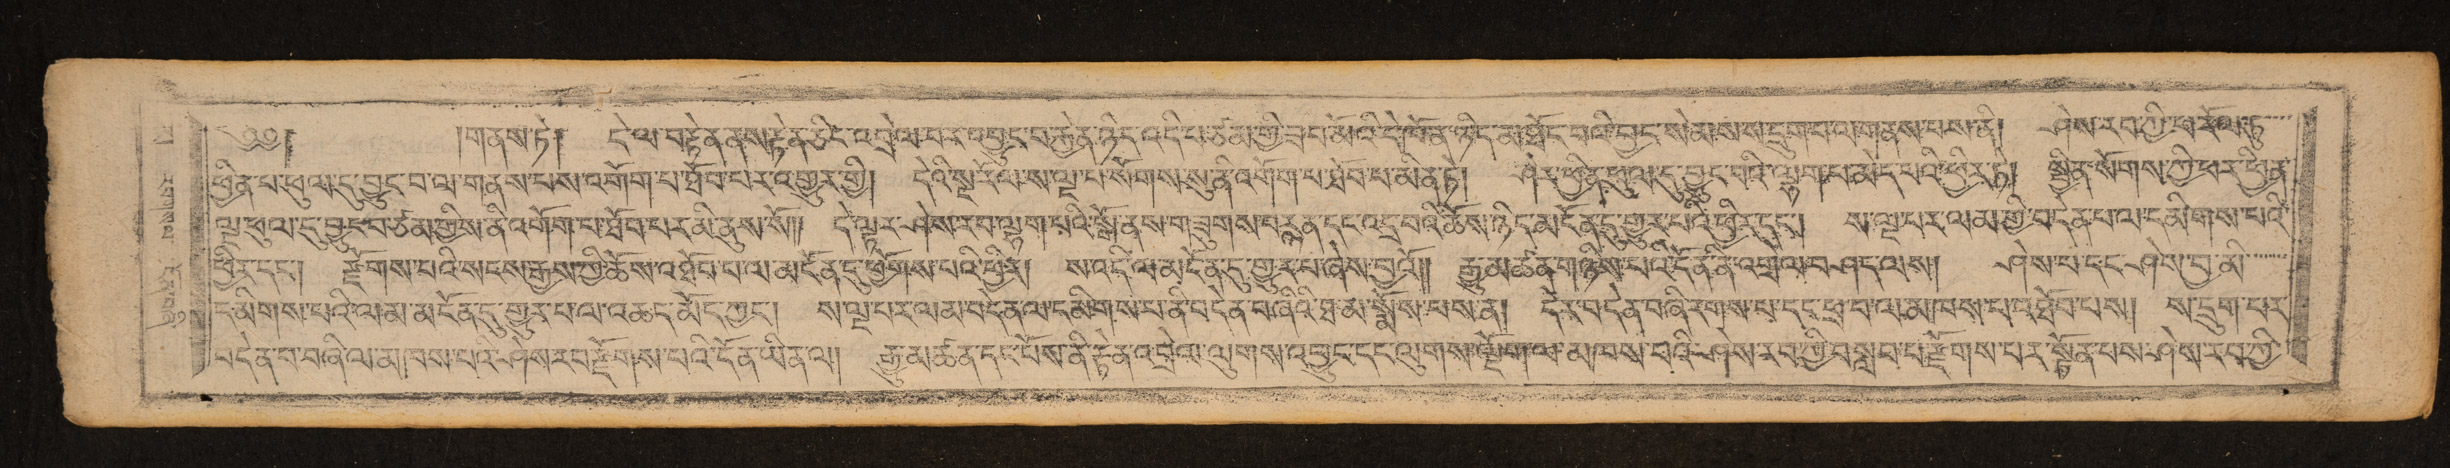༄༅། །གནས་ཏེ། དེ་ལ་བརྟེན་ནས་རྟེན་ཅིང་འབྲེལ་བར་འབྱུང་བ་རྐྱེན་ཉིད་འདི་པ་ཙམ་གྱི་ཟབ་མོའི་དེ་ཁོ་ན་ཉིད་མཐོང་བའི་བྱང་སེམས་ས་དྲུག་པ་ལ་གནས་པས་ནི། ཤེས་རབ་ཀྱི་ཕ་རོལ་ཏུ་
ཕྱིན་པ་ཕུལ་དུ་བྱུང་བ་ལ་གནས་པས་འགོག་པ་ཐོབ་པར་འགྱུར་གྱི། དེའི་སྔ་རོལ་ས་ལྔ་པ་སོགས་སུ་ནི་འགོག་པ་ཐོབ་པ་མིན་ཏེ། ཤེར་ཕྱིན་ཕུལ་དུ་བྱུང་བའི་ལྷག་པ་མེད་པའི་ཕྱིར་ཏེ། སྦྱིན་སོགས་ཀྱི་ཕར་ཕྱིན་
ལྔ་ཕུལ་དུ་བྱུང་བ་ཙམ་གྱིས་ནི་འགོག་པ་ཐོབ་པར་མི་ནུས་སོ།། དེ་ལྟར་ཤེས་རབ་ལྷག་པའི་སྒོ་ནས་གཟུགས་བརྙན་དང་འདྲ་བའི་ཆོས་ཉིད་མངོན་དུ་གྱུར་པའི་ཕྱིར་དང་། ས་ལྔ་པར་ལམ་གྱི་བདེན་པ་ལ་དམིགས་པའི་
ཕྱིར་དང་། རྫོགས་པའི་སངས་རྒྱས་ཀྱི་ཆོས་འཐོབ་པ་ལ་མངོན་དུ་ཕྱོགས་པའི་ཕྱིར། ས་འདི་ལ་མངོན་དུ་གྱུར་པ་ཞེས་བྱའོ།། རྒྱུ་མཚན་གཉིས་པའི་དོན་ནི་འགྲེལ་བཤད་ལས། ཤེས་པ་དང་ཤེས་བྱ་མི་
དམིགས་པའི་ལམ་མངོན་དུ་གྱུར་པ་ལ་འཆད་མོད་ཀྱང་། ས་ལྔ་པར་ལམ་བདེན་ལ་དམིགས་པ་ནི་བདེན་བཞིའི་ཐ་མ་སྨོས་པས་ན། དེར་བདེན་བཞི་རགས་པ་དང་ཕྲ་བ་ལ་མཁས་པ་འཐོབ་པས། ས་དྲུག་པར་
བདེན་པ་བཞི་ལ་མཁས་པའི་ཤེས་རབ་རྫོགས་པའི་དོན་ཡིན་ལ། རྒྱུ་མཚན་དང་པོས་ནི་རྟེན་འབྲེལ་ལུགས་འབྱུང་དང་ལུགས་ལྡོག་ལ་མཁས་པའི་ཤེས་རབ་ཀྱི་བསླབ་པ་རྫོགས་པར་སྟོན་པས་ཤེས་རབ་ཀྱི་